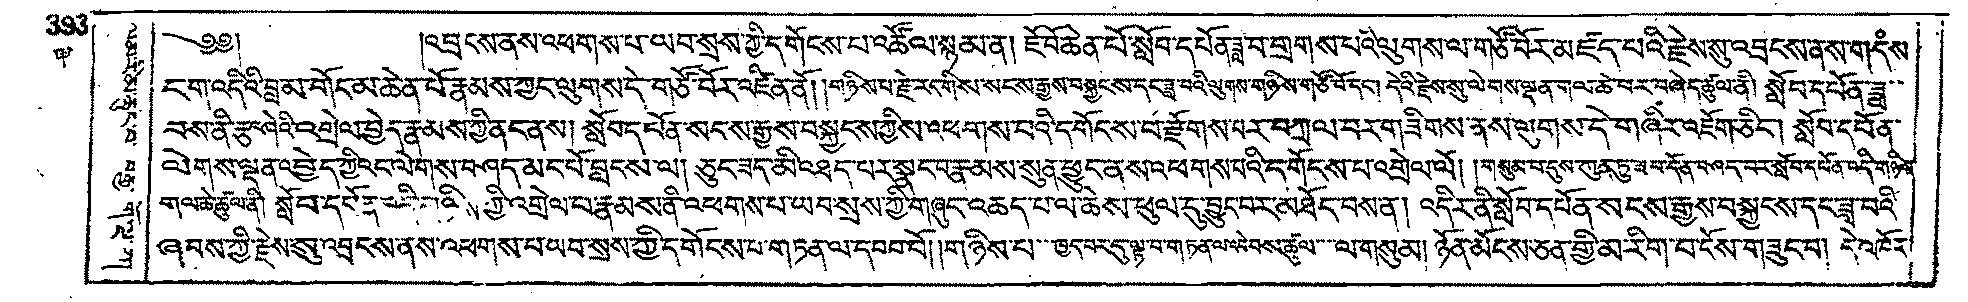༄༅། །འབྲངས་ནས་འཕགས་པ་ཡབ་སྲས་ཀྱི་དགོངས་པ་འཚོལ་སྙམ་ན། ཇོ་བོ་ཆེན་པོ་སློབ་དཔོན་ཟླ་བ་གྲགས་པའི་ལུགས་ལ་གཙོ་བོར་མཛད་པའི་རྗེས་སུ་འབྲངས་ནས་གདཾས་
ངག་འདིའི་བླ་མ་གོང་མ་ཆེན་པོ་རྣམས་ཀྱང་ལུགས་དེ་གཙོ་བོར་འཛིན་ནོ། །གཉིས་པ་རྗེ་རང་གིས་སངས་རྒྱས་བསྐྱངས་དང་ཟླ་བའི་ལུགས་གཉིས་གཙོ་བོ་དང་། དེའི་རྗེས་སུ་ལེགས་ལྡན་གལ་ཆེ་བར་བཞེད་ཚུལ་ནི།  སློབ་དཔོན་ཟླ་
བས་ནི་རྩ་ཤེའི་འགྲེལ་བྱེད་རྣམས་ཀྱི་ནང་ནས། སློབ་དཔོན་སངས་རྒྱས་བསྐྱངས་ཀྱིས་འཕགས་པའི་དགོངས་པ་རྫོགས་པར་བཀྲལ་བར་གཟིགས་ནས་ལུགས་དེ་གཞིར་འཇོག་ཅིང་། སློབ་དཔོན་
ལེགས་ལྡན་འབྱེད་ཀྱི་འང་ལེགས་བཤད་མང་པོ་བླངས་ལ། ཅུང་ཟད་མི་འཐད་པར་སྣང་བ་རྣམས་སུན་ཕྱུང་ནས་འཕགས་པའི་དགོངས་པ་འགྲེལ་ལོ། །གསུམ་པ་དུས་ཀུན་ཏུ་ཟབ་དོན་བཤད་པར་སློབ་དཔོན་འདི་གཉིས་
གལ་ཆེ་ཚུལ་ནི།  སློབ་དཔོན་འདི་གཉིས་ཀྱི་འགྲེལ་པ་རྣམས་ནི་འཕགས་པ་ཡབ་སྲས་ཀྱི་གཞུང་འཆད་པ་ལ་ཆེས་ཕུལ་དུ་བྱུང་བར་མཐོང་བས་ན། འདིར་ནི་སློབ་དཔོན་སངས་རྒྱས་བསྐྱངས་དང་ཟླ་བའི་
ཞབས་ཀྱི་རྗེས་སུ་འབྲངས་ནས་འཕགས་པ་ཡབ་སྲས་ཀྱི་དགོངས་པ་གཏན་ལ་དབབ་བོ། །གཉིས་པཁྱད་པར་དུ་ལྟ་བ་གཏན་ལ་འབེབས་ཚུལ་ལ་གསུམ།  ཉོན་མོངས་ཅན་གྱི་མ་རིག་པ་ངོས་གཟུང་བ། དེ་འཁོར་